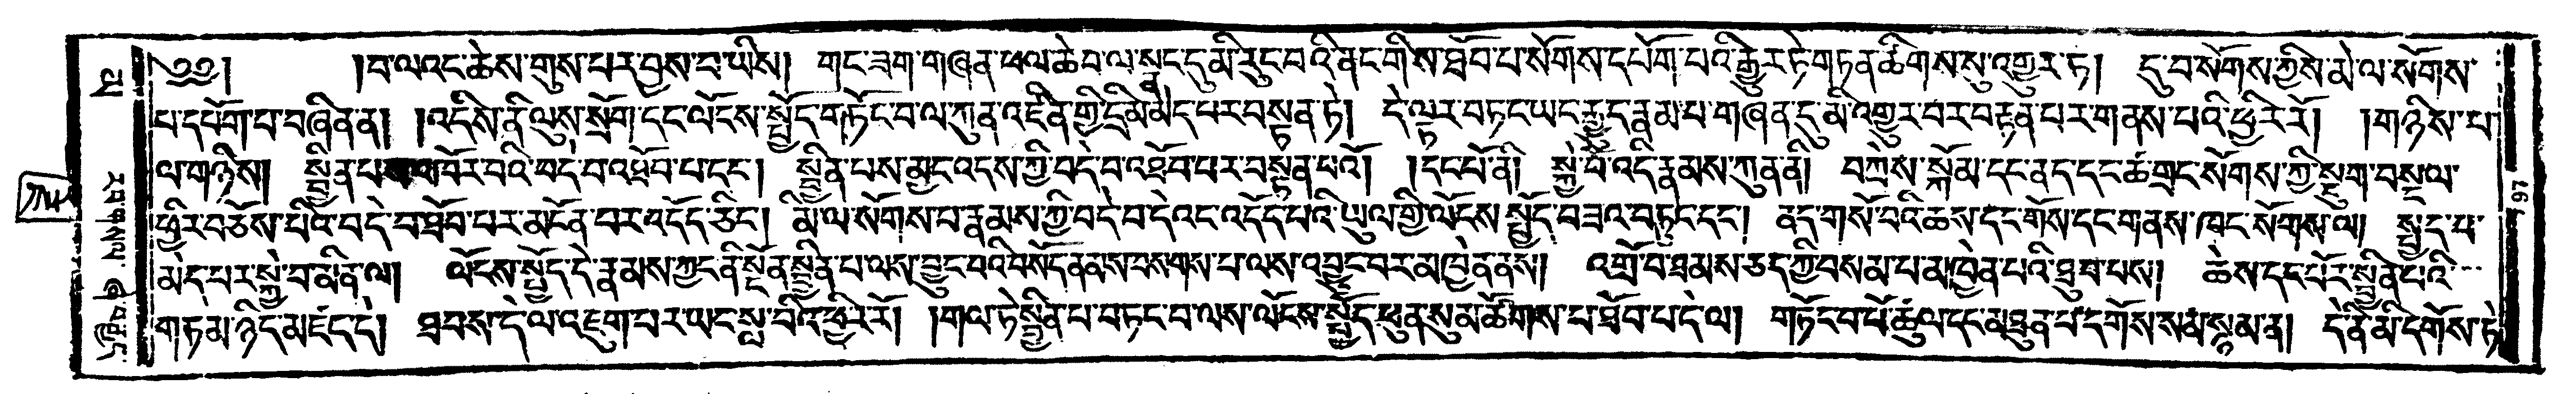༄༅། །བ་ལའང་ཆེས་གུས་པར་བྱས་པ་ཡིས། གང་ཟག་གཞན་ཕལ་ཆེ་བ་ལ་སྣང་དུ་མི་རུང་བའི་ནང་གི་ས་ཐོབ་པ་སོགས་དཔོག་པའི་རྒྱུར་ཏེ་གཏན་ཚིགས་སུ་འགྱུར་ཏེ། དུ་བ་སོགས་ཀྱིས་མེ་ལ་སོགས་
པ་དཔོག་པ་བཞིན་ནོ། །འདིས་ནི་ལུས་སྲོག་དང་ལོངས་སྤྱོད་གཏོང་བ་ལ་ཀུན་འཛིན་གྱི་དྲི་མ་མེད་པར་བསྟན་ཏེ། དེ་ལྟར་བཏང་ཡང་རྒྱུད་རྣམ་པ་གཞན་དུ་མི་འགྱུར་བར་བརྟན་པར་གནས་པའི་ཕྱིར་རོ། །གཉིས་པ་
ལ་གཉིས། སྦྱིན་པས་འཁོར་བའི་བདེ་བ་འཐོབ་པ་དང་། སྦྱིན་པས་མྱང་འདས་ཀྱི་བདེ་བ་འཐོབ་པར་བསྟན་པའོ། །དང་པོ་ནི། སྐྱེ་བོ་འདི་རྣམས་ཀུན་ནི། བཀྲེས་སྐོམ་དང་ནད་དང་ཚ་གྲང་སོགས་ཀྱི་སྡུག་བསྔལ་
ཕྱིར་བཅོས་པའི་བདེ་བ་ཐོབ་པར་མངོན་པར་འདོད་ཅིང་། མི་ལ་སོགས་པ་རྣམས་ཀྱི་བདེ་བ་དེའང་འདོད་པའི་ཡུལ་གྱི་ལོངས་སྤྱོད་བཟའ་བཏུང་དང་། ནད་གསོ་བའི་ཆས་དང་གོས་དང་གནས་ཁང་སོགས་ལ། སྤྱད་པ་
མེད་པར་སྐྱེ་བ་མིན་ལ། ལོངས་སྤྱོད་དེ་རྣམས་ཀྱང་ནི་སྔོན་སྦྱིན་པ་ལས་བྱུང་བའི་བསོད་ནམས་བསགས་པ་ལས་འབྱུང་བར་མཁྱེན་ནས། འགྲོ་བ་ཐམས་ཅད་ཀྱི་བསམ་པ་མཁྱེན་པའི་ཐུབ་པས། ཆེས་དང་པོར་སྦྱིན་པའི་
གཏམ་ཉིད་མཛད་དེ། ཐབས་དེ་ལ་འཇུག་པར་ཡང་སླ་བའི་ཕྱིར་རོ། །གལ་ཏེ་སྦྱིན་པ་བཏང་བ་ལས་ལོངས་སྤྱོད་ཕུན་སུམ་ཚོགས་པ་ཐོབ་པ་དེ་ལ། གཏོང་བ་པོ་ཚུལ་དང་མཐུན་པ་དགོས་སམ་སྙམ་ན། དེ་ནི་མི་དགོས་ཏེ་